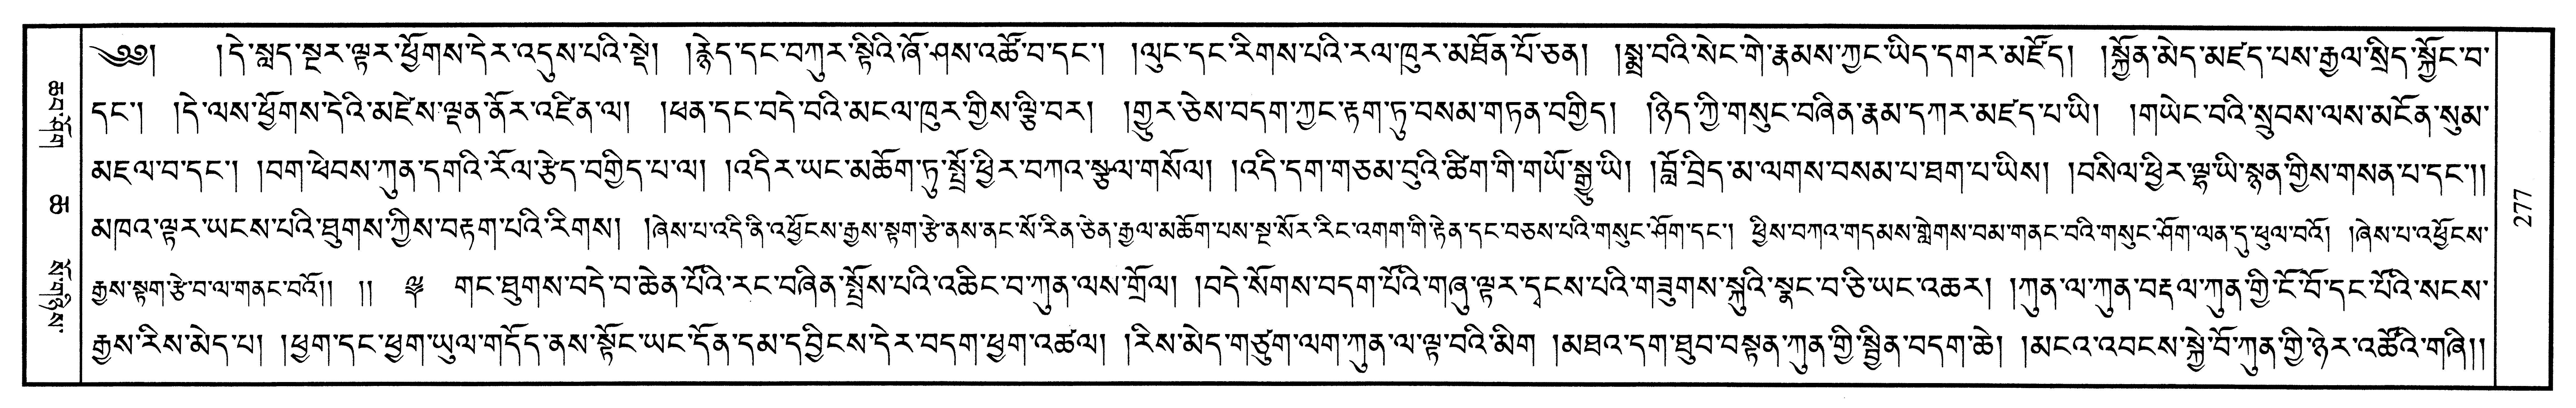༄༅། །དེ་སླད་སྔར་ལྟར་ཕྱོགས་དེར་འདུས་པའི་སྡེ། །རྙེད་དང་བཀུར་སྟིའི་ཞོ་ཤས་འཚོ་བ་དང་། །ལུང་དང་རིགས་པའི་རལ་ཁུར་མཐོན་པོ་ཅན། །སྨྲ་བའི་སེང་གེ་རྣམས་ཀྱང་ཡིད་དགར་མཛོད། །སྐྱོན་མེད་མཛད་པས་རྒྱལ་སྲིད་སྐྱོང་བ་
དང་། །དེ་ལས་ཕྱོགས་དེའི་མཛེས་ལྡན་ནོར་འཛིན་ལ། །ཕན་དང་བདེ་བའི་མངལ་ཁུར་གྱིས་ལྕི་བར། །གྱུར་ཅེས་བདག་ཀྱང་རྟག་ཏུ་བསམ་གཏན་བགྱིད། །ཉིད་ཀྱི་གསུང་བཞིན་རྣམ་དཀར་མཛད་པ་ཡི། །གཡེང་བའི་སྲུབས་ལས་མངོན་སུམ་
མཇལ་བ་དང་། །བག་ཕེབས་ཀུན་དགའི་རོལ་རྩེད་བགྱིད་པ་ལ། །འདིར་ཡང་མཆོག་ཏུ་སྤྲོ་ཕྱིར་བཀའ་སྩལ་གསོལ། །འདི་དག་གཅམ་བུའི་ཚིག་གི་གཡོ་སྒྱུ་ཡི། །བློ་བྲིད་མ་ལགས་བསམ་པ་ཐག་པ་ཡིས། །བསིལ་ཕྱིར་ལྷ་ཡི་སྙན་གྱིས་གསན་པ་དང།།
མཁའ་ལྟར་ཡངས་པའི་ཐུགས་ཀྱིས་བརྟག་པའི་རིགས། །ཞེས་པ་འདི་ནི་འཕྱོངས་རྒྱས་སྟག་རྩེ་ནས་ནང་སོ་རིན་ཅེན་རྒྱལ་མཆོག་པས་སྔ་སོར་རིང་འགག་གི་རྟེན་དང་བཅས་པའི་གསུང་ཤོག་དང་། ཕྱིས་བཀའ་གདམས་གླེགས་བམ་གནང་བའི་གསུང་ཤོག་ལན་དུ་ཕུལ་བའོ། །ཞེས་འཕྱོངས་
རྒྱས་སྟག་རྩེ་བ་ལ་གནང་བའོ།། །། ༈ གང་ཐུགས་བདེ་བ་ཆེན་པོའི་རང་བཞིན་སྤྲོས་པའི་འཆིང་བ་ཀུན་ལས་གྲོལ། །བདེ་སོགས་བདག་པོའི་གཞུ་ལྟར་དྭངས་པའི་གཟུགས་སྐུའི་སྣང་བ་ཅི་ཡང་འཆར། །ཀུན་ལ་ཀུན་བརྡལ་ཀུན་གྱི་ངོ་བོ་དང་པོའི་སངས་
རྒྱས་རིས་མེད་པ། །ཕྱག་དང་ཕྱག་ཡུལ་གདོད་ནས་སྟོང་ཡང་དོན་དམ་དབྱིངས་དེར་བདག་ཕྱག་འཚལ། །རིས་མེད་གཙུག་ལག་ཀུན་ལ་ལྟ་བའི་མིག །མཐའ་དག་ཐུབ་བསྟན་ཀུན་གྱི་སྦྱིན་བདག་ཆེ། །མངའ་འབངས་སྐྱེ་བོ་ཀུན་གྱི་ཉེར་འཚོའི་གཞི།།